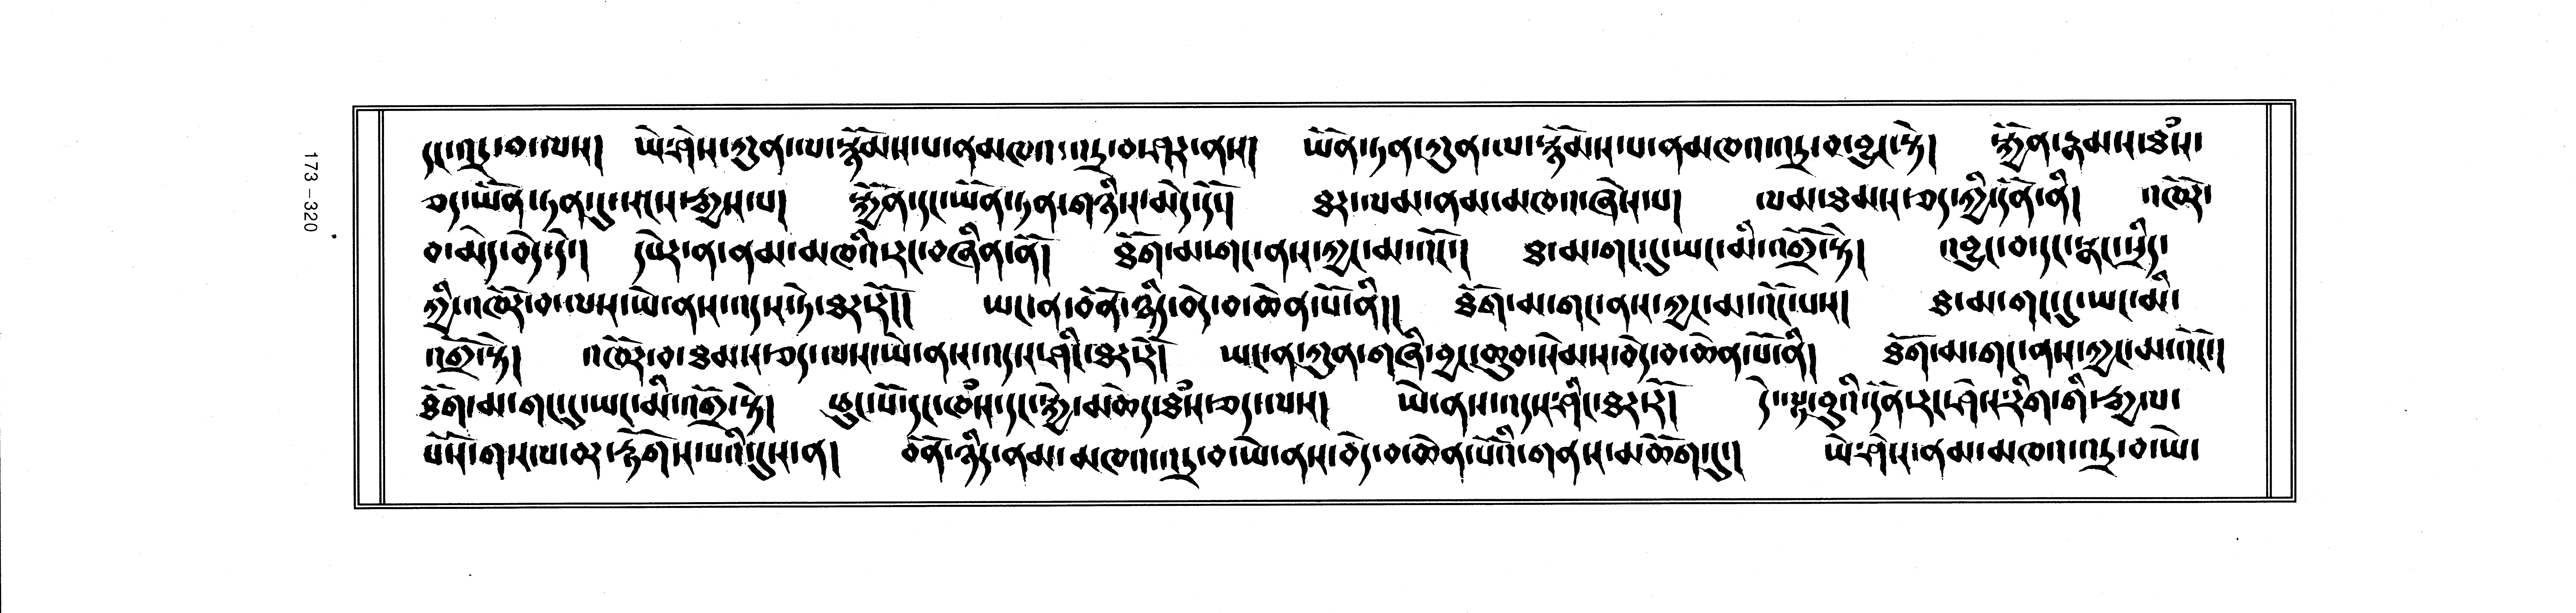དང་འདྲ་བ་ལས། ཡེ་ཤེས་ཀུན་ལ་སྙོམས་པ་ནམ་མཁའ་འདྲ་བ་ཤར་ནས། ཡོན་ཏན་ཀུན་ལ་སྙོམས་པ་ནམ་མཁའ་འདྲ་བ་བྱུང་སྟེ། སྐྱོན་རྣམས་ཐམས་
ཅད་ཡོན་ཏན་ཏུ་སངས་རྒྱས་པ། སྐྱོན་དང་ཡོན་ཏན་གཉིས་མེད་དོ། །ཐར་ལམ་ནམ་མཁའ་ཞེས་པ། ལམ་ཐམས་ཅད་ཀྱི་དོན་ནི། འཁོར་
བ་མེད་བདེ་སྟེ། དཔེར་ན་ནམ་མཁའི་རང་བཞིན་ནོ། །ཐོག་མ་གང་ནས་ཀྱང་མ་འོང་། ཐ་མ་གང་དུ་ཡང་མི་འགྲོ་སྟེ། འབྱུང་བ་དང་སྣང་སྲིད་
ཀྱི་འཁོར་བ་ལས་ཡེ་ནས་འདས་ཏེ་ཐར་རོ། །ཡང་ན་བོན་ཉིད་བདེ་བ་ཆེན་པོ་ནི། ཐོག་མ་གང་ནས་ཀྱང་མ་འོང་བས། ཐ་མ་གང་དུ་ཡང་མི་
འགྲོ་སྟེ། འཁོར་བ་ཐམས་ཅད་ལས་ཡེ་ནས་འདས་ཤིང་ཐར་རོ། །ཡང་ན་ཀུན་གཞི་བྱང་ཆུབ་ཀྱི་སེམས་བདེ་བ་ཆེན་པོ་ནི། ཐོག་མ་གང་ནས་ཀྱང་མ་འོང་། 
ཐ་མ་གང་དུ་ཡང་མི་འགྲོ་སྟེ། ཕུང་པོ་ཁམས་དང་སྐྱེ་མཆེད་ཐམས་ཅད་ལས། ཡེ་ནས་འདས་ཤིང་ཐར་རོ། །དེ་ལྟ་བུའི་དོན་རང་ཤེས་རིག་གི་རྒྱལ་
པོས་གསལ་བར་རྟོགས་པའི་དུས་ན། བོན་ཉིད་ནམ་མཁའ་འདྲ་བ་ཡེ་ནས་བདེ་བ་ཆེན་པོའི་གནས་མཆོག་ཏུ། ཡེ་ཤེས་ནམ་མཁའ་འདྲ་བ་ཡེ་